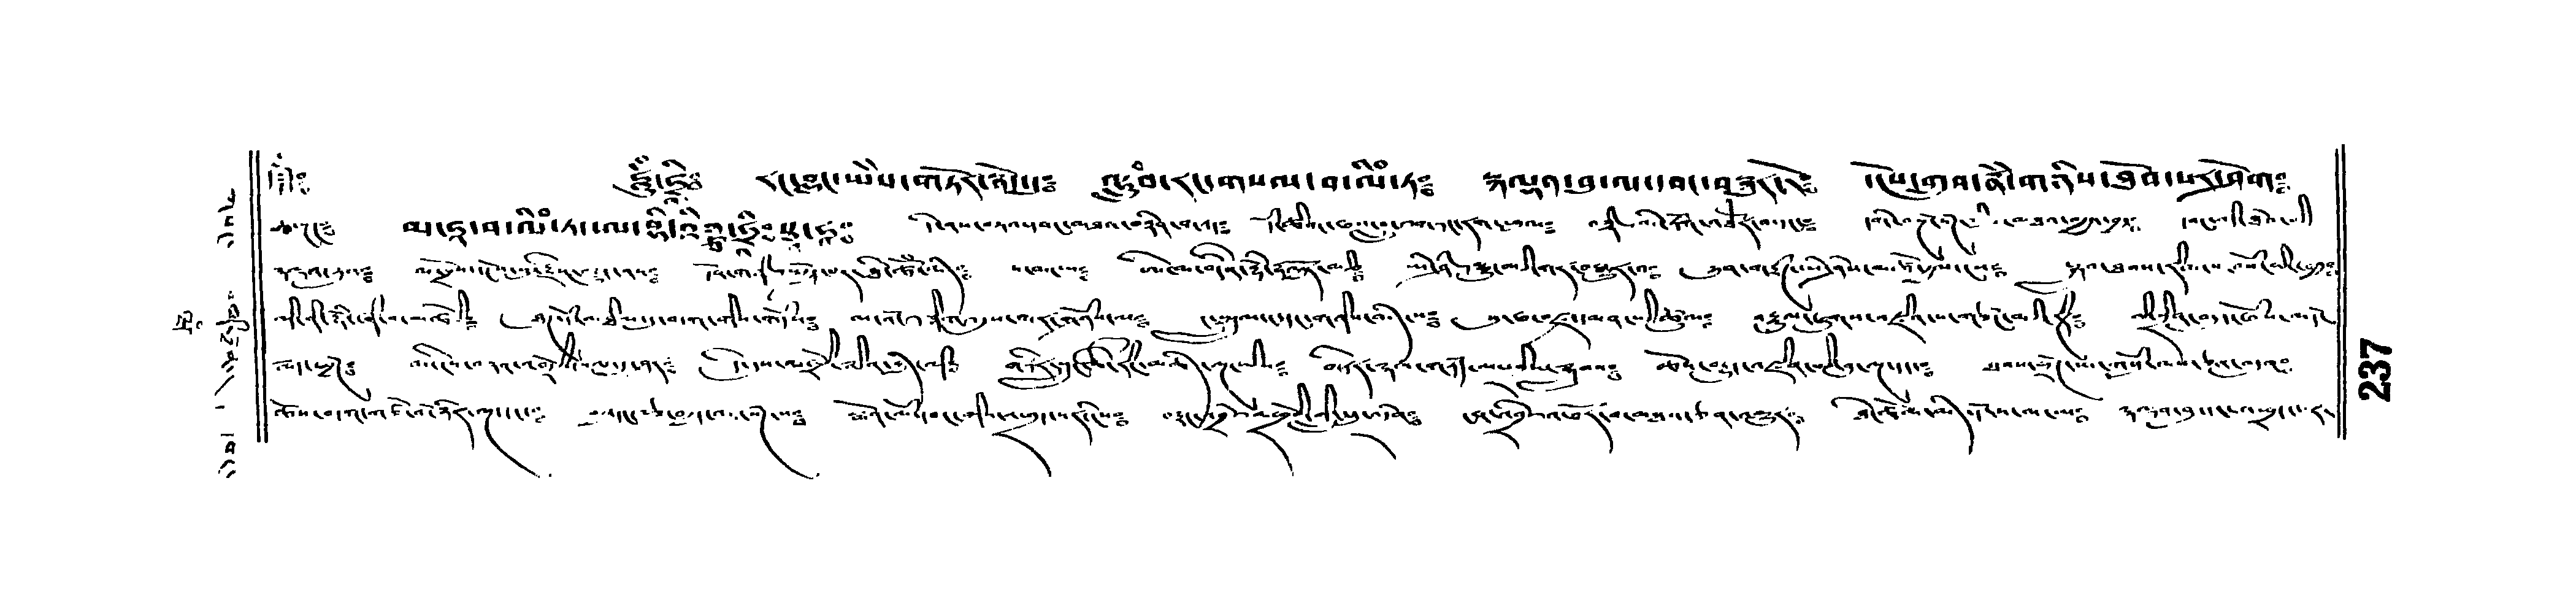ཧཱུྃ་ཧྲཱི༔ རང་བྱུང་ཡེ་ཤེས་གཏོར་སྣོད་དུ༔ ལྷུན་གྲུབ་རང་གསལ་བ་ལིཾ་ཏ༔ སྐལ་ལྡན་བུ་ལ་དབང་བསྐུར་རོ༔ དངོས་གྲུབ་རྣམ་གཉིས་ཐོབ་པར་ཤོག༔ 
རྩ་སྔགས༔ མ་ཧཱ་བ་ལིཾ་ཏ་ཨ་བྷི་རིཉྩ་ཧྲཱིཿསྭཱ་ཧཱ༔ དེ་ནས་བཀའ་དབང་མཐའ་བརྟེན་གས༔ དམ་ཚིག་ཁས་བླངས་གཏང་རག་ཕུལ༔ བཀྲ་ཤིས་མེ་ཏོག་འཐོར་བ་དང༔ དགེ་བསྔོ་སོགས་ཀྱིས་མཐའ་བརྒྱན་བྱཿ དབང་འདི་ཐོབ་པའི་
སྐལ་ལྡན་ཀུན༔ མཁའ་འགྲོས་དངོས་སུ་རྗེས་བཟུང་ནས༔ དོན་གཉིས་སྤྱོད་པར་ཐེ་ཚོམ་མེད༔ ས་མ་ཡ༔ ཨེ་མ༔ བདེ་ཆེན་རྡོ་རྗེ་རྣལ་འབྱོར་མའི༔ ཡེ་ཤེས་སྒྱུ་མའི་གར་བསྒྱུར་བ༔ ཀུན་གཟིགས་ཡེ་ཤེས་མཚོ་རྒྱལ་ངས༔ སྒྲུབ་ཐབས་རིམ་པ་བསམ་མི་ཁྱབ༔ 
འདི་ནི་རྡོ་རྗེ་ཞི་བ་མཚོའི༔ ཐུགས་དམ་མཐིལ་དུ་བདག་གིས་གདམས༔ མ་འོངས་སྙིགས་དུས་མར་གཤམ་ལ༔ ང་སྤྲུལ་ང་དང་གཉིས་མེད་པ༔ སུ་ཁ་བཛྲ་དམན་པའི་ཚུལ༔ བརྟུལ་ཞུགས་འཛིན་པ་གཙང་མའི་རིགས༔ མི་སྲིན་བདུད་ཁམས་མདོ་
སྨད་ཕྱོགས༔ མ་ངེས་བསྟན་འགྲོའི་དཔལ་དུ་ཤར༔ དེ་དུས་མཁའ་འགྲོའི་སྨིན་བྱེད་འདི༔ གཏེར་སྲུང་ཚེ་རིང་མཆེད་ལྔ་ཡིས༔ གཏེར་སྐལ་གཏོད་ལ་ཕྲིན་ལས་སྒྲུབས༔ ཆོས་བརྒྱུད་འཛིན་པའི་བུ་ལྔ་དང༔ ཐབས་གྲོགས་ཡ་གསུམ་ལས་ཅན་བདུན༔ 
ཆོས་བདག་གཙོ་བོ་ཉེར་ལྔ་དང༔ བརྒྱ་དང་རྩ་བརྒྱད་ལ་སོགས་པ༔ སྨོན་ལམ་དབང་གིས་འཕྲད་པར་ངེས༔ བཟང་འབྲེལ་མཁའ་འགྲོའི་གླིང་དུ་འདྲེན༔ ངན་འབྲེལ་འཁོར་བ་མཐའ་ཅན་འགྱུར༔ ཐེ་ཚོམ་མེད་དོ་ས་མ་ཡ༔ སྐལ་ལྡན་བུ་དང་འཕྲད་པར་